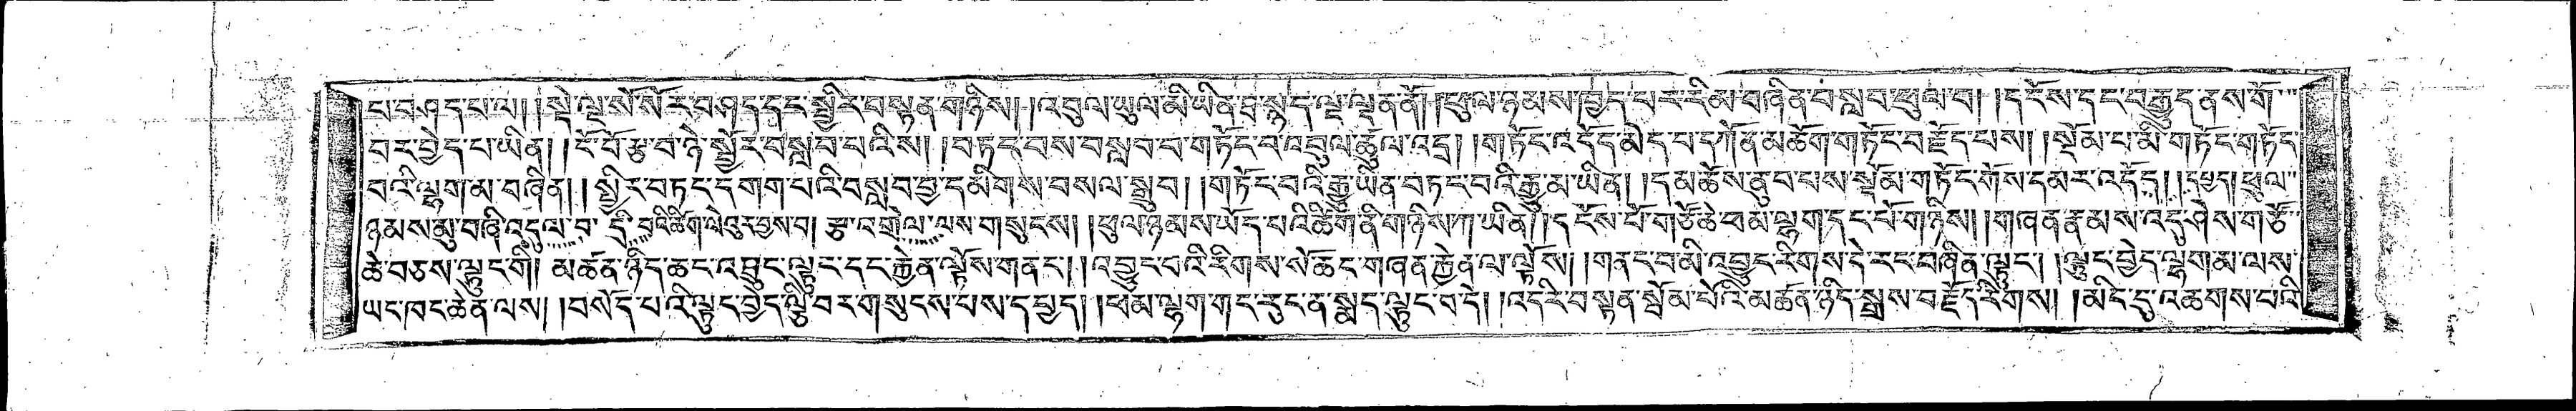པ་བཤད་པ་ལ། །སྡེ་ལྔ་སོ་སོར་བཤད་དང་སྤྱིར་བསྟན་གཉིས། །འབུལ་ཡུལ་མི་ཡིན་ཐ་སྙད་ལྔ་ལྡན་ནོ། །ཕུལ་ཉམས་ཁྱད་པར་རིམ་བཞིན་བསླབ་ཕུལ་བ། །དངོས་དང་བརྒྱུད་ནས་གོ་
བར་བྱེད་པ་ཡིན། །ངོ་བོ་རྩ་བ་ཉེ་སྦྱོར་བསླབ་པའི་ས། །བཏང་བས་བསླབ་བ་གཏོང་བ་འབུལ་ཚུལ་འདྲ། །གཏོང་འདོད་མེད་པ་དཀོན་མཆོག་གཏོང་བརྗོད་པས། །སྡོམ་པ་མི་གཏོང་གཏོང་
བའི་ལྷག་མ་བཞིན། །སྤྱིར་བཏང་དགག་པའི་བསླབ་བྱ་དམིགས་བསལ་སྒྲུབ། །གཏོང་བའི་རྒྱུ་ཡིན་བཏང་བའི་རྒྱུ་མ་ཡིན། །དམ་ཆོས་ནུབ་པས་དོམ་གཏོང་གོས་དམར་འདོད། །དཔྱད། །ཕུལ་
ཉམས་མུ་བཞི་འདུལ་བ་དྲི་བའི་ཚིག་ལེའུར་བྱས་བ། །རྩ་འགྲེལ་ལས་གསུངས། །ཕུལ་ཉམས་ཡོད་པའི་ཚིག་ནི་གཉིས་ཀ་ཡིན། །དངོས་པོ་གཙོ་ཆེ་ཕམ་ལྷག་དང་པོ་གཉིས། །གཞན་རྣམས་འདུ་ཤེས་གཙོ་
ཆེ་བཅས་ལྟུང་གི །མཚན་ཉིད་ཆང་འཐུང་ལྟུང་དང་རྐྱེན་ལྟོས་གནང་། །འབྱུང་བའི་རིགས་སོ་ཆང་གཞན་རྐྱེན་ལ་ལྟོས། །གནང་བ་མི་འབྱུང་རིགས་དེ་རང་བཞིན་ལྟུང་། །ལྟུང་བྱེད་ལྷག་མ་ལས་
ཡང་ཁང་ཆེན་ལས། །བསོད་པའི་ལྟུང་བྱེད་ལྕི་བར་གསུངས་པས་དཔྱད། །ཕམ་ལྷག་གང་རུང་ན་སྨད་ལྟུང་བ་དེ། །འདིར་བསྟན་སྦོམ་པོའི་མཚན་ཉིད་སྒྲས་བརྗོད་རིགས། །མིང་དུ་འཆགས་པའི་